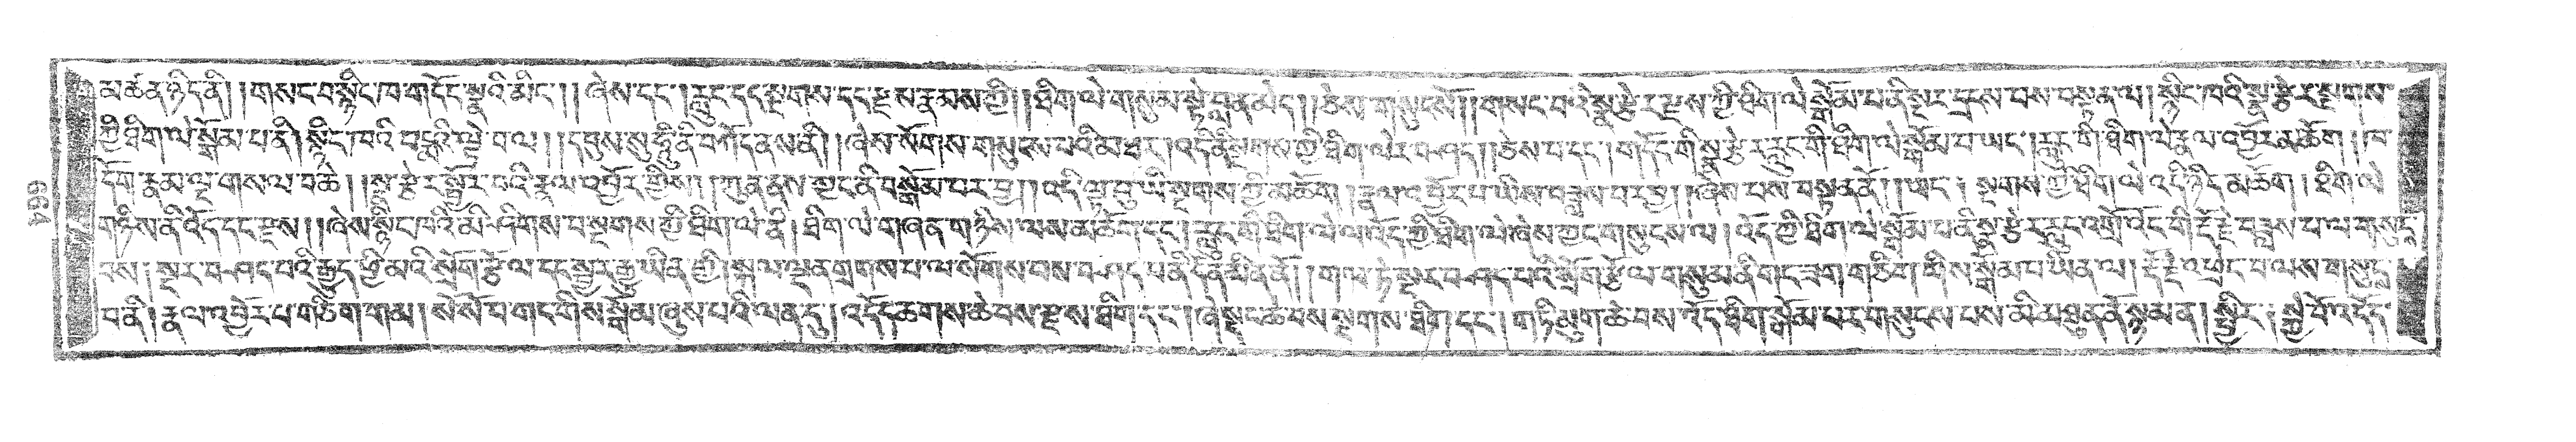མཚན་ཉིད་ནི། །གསང་བ་སྙིང་ཁ་གདོང་སྣའི་མིང་། །ཞེས་དང་། རླུང་དང་སྔགས་དང་རྫས་རྣམས་ཀྱི། །ཐིག་ལེ་གསུམ་སྟེ་བླ་ན་མེད། །ཅེས་གསུངས་སོ། །གསང་བའི་སྣ་རྩེར་རྫས་ཀྱི་ཐིག་ལེ་སྒོམ་པ་ནི་སྔར་དྲངས་པས་བསྟན་ལ། སྙིང་ཁའི་སྣ་རྩེར་སྔགས་
ཀྱི་ཐིག་ལེ་སྒོམ་པ་ནི། སྙིང་ཁའི་པདམའི་ལྟེ་བ་ལ། །དབུས་སུ་ཧཱུཾ་ནི་བཀོད་ནས་ནི། །ཞེས་སོགས་གསུངས་པའི་མཐར། །འདི་ནི་སྔགས་ཀྱི་ཐིག་ལེར་བཤད། །ཅེས་པ་དང་། གདོང་གི་སྣ་རྩེར་རླུང་གི་ཐིག་ལེ་སྒོམ་པ་ཡང་། རླུང་གི་ཐིག་ལེ་རྣལ་འབྱོར་མཆོག །ཁ་
དོག་རྣམ་ལྔ་གསལ་བ་ཆེ། །སྣ་རྩེར་སྦྱོར་བའི་རྣལ་འབྱོར་གྱིས། །ཀུན་ནས་ཀྱང་ནི་བསྒོམ་པར་བྱ། །འདི་ལྟ་བུ་ཡི་སྔགས་ཀྱི་མཆོག །རྣལ་འབྱོར་པ་ཡིས་བཟླས་པར་བྱ། །ཞེས་པས་བསྟན་ནོ། །ཡང་། སྔགས་ཀྱི་ཐིག་ལེ་འདི་ཉིད་མཆོག །ཐིག་ལེ་
གཉིས་ནི་འོད་དང་རྫས། །ཞེས་སྙིང་ཁའི་མི་ཤིགས་པ་སྔགས་ཀྱི་ཐིག་ལེ་ནི། ཐིག་ལེ་གཞན་གཉིས་ལས་མཆོག་དང་། རླུང་གི་ཐིག་ལེ་ལ་འོད་ཀྱི་ཐིག་ལེ་ཞེས་ཀྱང་གསུངས་ལ། འོད་ཀྱི་ཐིག་ལེ་སྒོམ་པ་ནི་སྣ་རྩེར་རླུང་འགྲོ་འོང་གི་རྡོ་རྗེ་བཟླས་པ་ལ་གསུངས་
པས། སྔར་བཤད་པའི་རྒྱུད་ཕྱི་མའི་སྲོག་རྩོལ་དང་སྦྱར་རྒྱུ་ཡིན་གྱི་།སྐལ་ལྡན་གྲགས་པ་ལ་སོགས་པས་བཤད་པ་ནི་དོན་མིན་ནོ། །གལ་ཏེ་སྔར་བཤད་པའི་སྲོག་རྩོལ་གསུམ་ནི་གང་ཟག་གཅིག་གིས་སྒོམ་པ་ཡིན་ལ། རྡོ་རྗེ་འཕྲེང་བ་ལས་གསུངས་
པ་ནི། རྣལ་འབྱོར་པ་གཅིག་གམ། སོ་སོ་པ་གང་གིས་སྒོམ་ཞུས་པའི་ལན་དུ། འདོད་ཆགས་ཆེ་བས་རྫས་ཐིག་དང་། ཞེ་སྡང་ཆེ་བས་སྔགས་ཐིག་དང་། གཏི་མུག་ཆེ་བས་འོད་ཐིག་སྒོམ་པར་གསུངས་པས་མི་མཐུན་ནོ་སྙམ་ན། སྤྱིར། སྐྱེ་བོ་འདོད་